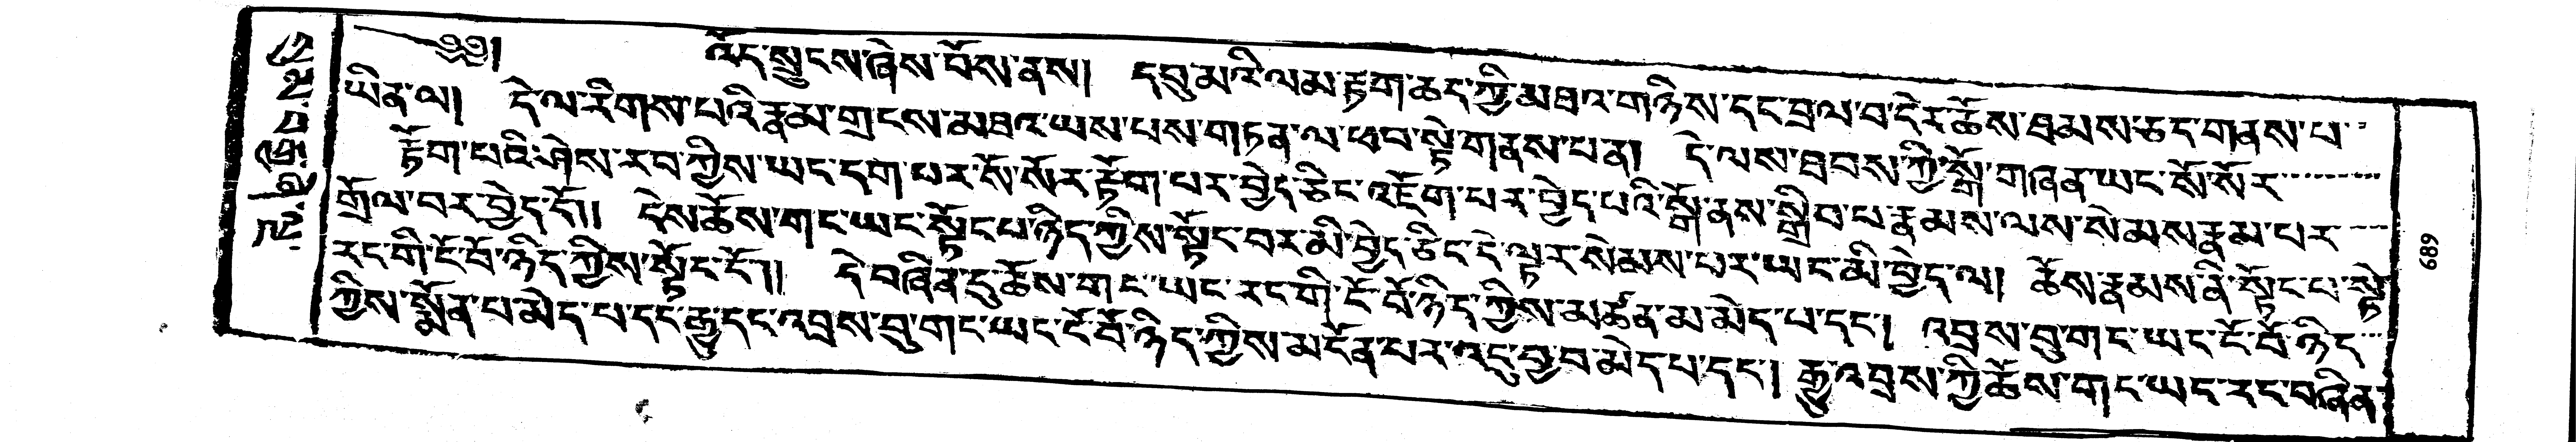༄༅། །འོད་སྲུངས་ཞེས་བོས་ནས། དབུ་མའི་ལམ་རྟག་ཆད་ཀྱི་མཐའ་གཉིས་དང་བྲལ་བ་དེར་ཆོས་ཐམས་ཅད་གནས་པ་
ཡིན་ལ། དེ་ལ་རིགས་པའི་རྣམ་གྲངས་མཐའ་ཡས་པས་གཏན་ལ་ཕབ་སྟེ་གནས་པ་ན། དེ་ལས་ཐབས་ཀྱི་སྒོ་གཞན་ཡང་སོ་སོར་
རྟོག་པའི་ཤེས་རབ་ཀྱིས་ཡང་དག་པར་སོ་སོར་རྟོག་པར་བྱེད་ཅིང་འཇོག་པར་བྱེད་པའི་སྒོ་ནས་སྒྲིབ་པ་རྣམས་ལས་སེམས་རྣམ་པར་
གྲོལ་བར་བྱེད་དོ། །དེས་ཆོས་གང་ཡང་སྟོང་པ་ཉིད་ཀྱིས་སྟོང་བར་མི་བྱེད་ཅིང་དེ་ལྟར་སེམས་པར་ཡང་མི་བྱེད་ལ། ཆོས་རྣམས་ནི་སྟོང་པ་སྟེ་
རང་གི་ངོ་བོ་ཉིད་ཀྱིས་སྟོང་ངོ། །དེ་བཞིན་དུ་ཆོས་གང་ཡང་རང་གི་ངོ་བོ་ཉིད་ཀྱིས་མཚན་མ་མེད་པ་དང་། འབྲས་བུ་གང་ཡང་ངོ་བོ་ཉིད་
ཀྱིས་སྨོན་པ་མེད་པ་དང་རྒྱུ་དང་འབྲས་བུ་གང་ཡང་ངོ་བོ་ཉིད་ཀྱིས་མངོན་པར་འདུ་བྱ་བ་མེད་པ་དང་། རྒྱུ་འབྲས་ཀྱི་ཆོས་གང་ཡང་རང་བཞིན་